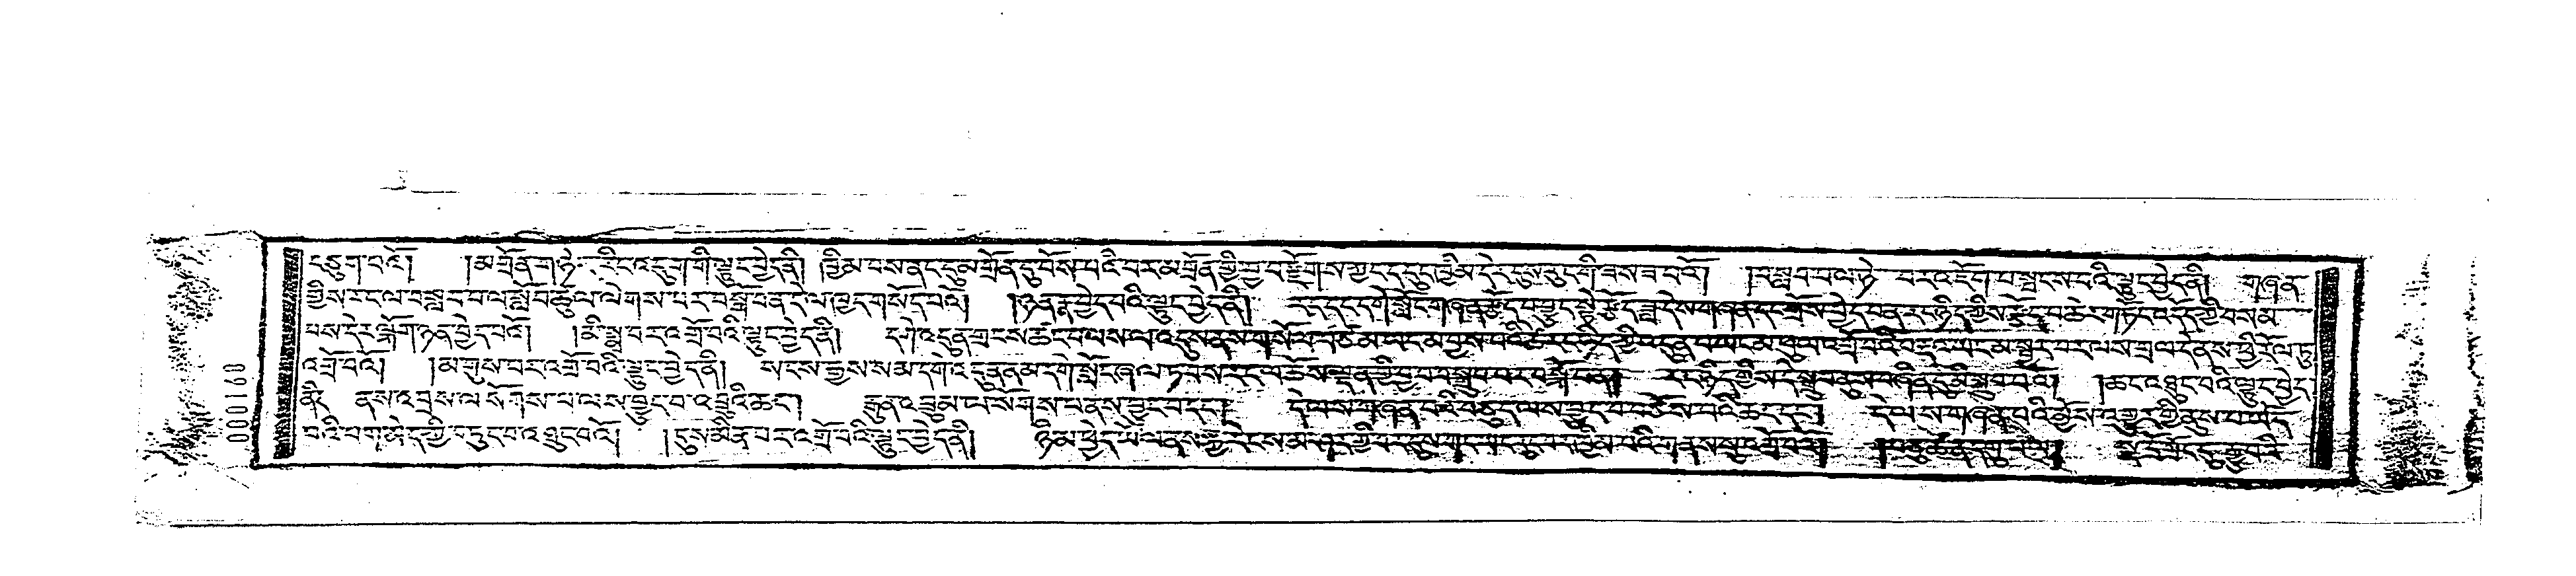བཅུག་པའོ། །མགྲོན་གཉེར་རིང་འདུག་གི་ལྟུང་བྱེད་ནི། ཁྱིམ་པས་ནང་དུ་མགྲོན་དུ་བོས་པའི་བར་མགྲོན་གྱི་བྱ་བ་རྫོགས་ཀྱང་ད་དུང་ཁྱིམ་དེར་དུས་རུང་གི་ཟས་ཟ་བའོ། །བསླབ་པ་ལ་ཉེ་བར་འཇོག་པ་སྤངས་པའི་ལྟུང་བྱེད་ནི། གཞན་
གྱིས་རང་ལ་བསླང་བ་ལ་སློབ་ཚུལ་ལེགས་པར་བསྒོ་བ་ན་དེ་ལ་ཁྱད་གསོད་པའོ། །ཉན་རྣ་བྱེད་པའི་ལྟུང་བྱེད་ནི། རང་དང་དགེ་སློང་གཞན་རྩོད་པ་བྱུང་སྟེ་རྩོད་ཟླ་དེས་གཞན་དང་གྲོས་བྱེད་པ་ན་རང་ཉིད་ཀྱིས་རྩོད་པ་ཆེར་གཏོང་འདོད་ཀྱི་བསམ་
པས་དེར་ལྐོག་ཉན་བྱེད་པའོ། །མི་སྨྲ་བར་འགྲོ་བའི་ལྟུང་བྱེད་ནི། དགེ་འདུན་གྲངས་ཚང་བ་ལས་ལ་འདུས་ནས་གསོལ་བ་ཙམ་ཡང་མ་བྱས་པའི་ཚེ་རང་ཉིད་ཀྱི་འདུན་པ་ཡང་མ་ཕུལ་འགྲོ་བའི་བརྡའ་ཡང་མ་སྦྱར་བར་ལས་གྲལ་དེ་ནས་ཕྱི་རོལ་ཏུ་
འགྲོ་བའོ། །མ་གུས་པར་འགྲོ་བའི་ལྟུང་བྱེད་ནི། སངས་རྒྱས་སམ་དགེ་འདུན་ནམ་དགེ་སློང་ཞལ་ཏ་བས་རང་ལ་ཆོས་ལྡན་གྱི་བྱ་བ་བསྒྲུབ་བར་བསྐོ་བ་ནི། རང་ཉིད་ཀྱིས་དེ་སྒྲུབ་ནུས་བཞིན་དུ་མི་སྒྲུབ་པའོ། །ཆང་འཐུང་བའི་ལྟུང་བྱེད་
ནི༑ ནས་འབྲས་ལ་སོགས་པ་ལས་བྱུང་བ་འབྲུའི་ཆང་། རྒུན་འབྲུམ་ལ་སོགས་པ་ནས་བྱུང་བ་དང་། དེ་ལས་གཞན་པའི་བཅུད་ལས་བྱུང་བ་བཅོས་པའི་ཆང་དང་། དེ་ལས་གཞན་པའི་མྱོས་འགྱུར་གྱི་ནུས་པ་ཡོད་
པའི་བག་མེད་ཀྱི་བཏུང་བ་འཐུང་བའོ། །དུས་མིན་པར་འགྲོ་བའི་ལྟུང་བྱེད་ནི། ཉི་མ་ཕྱེད་ཡོལ་ནས་རྐྱ་རེངས་མ་ཤར་གྱི་བར་དུས་གང་ཡང་རུང་བར་ཁྱིམ་པའི་གནས་སུ་འགྲོ་བའོ། །བཅུ་ཚན་དགུ་པ་ལ། སྣ་དྲོ་གྲོང་དུ་རྒྱུ་བའི་